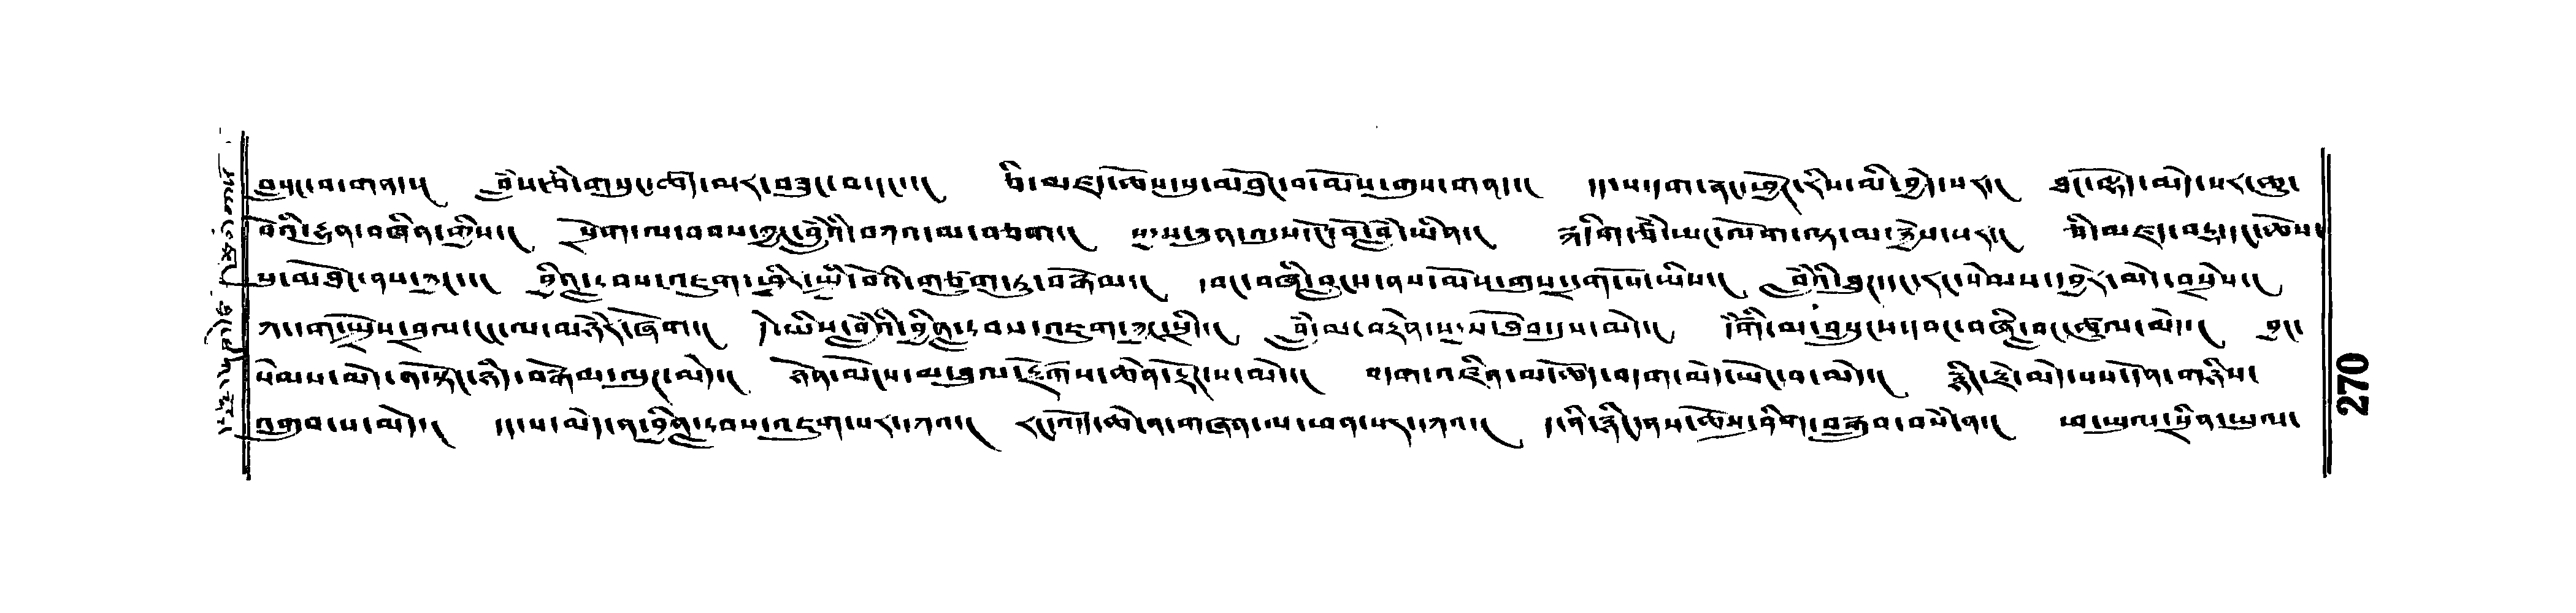བསྲུང་བ་གནད། །བླ་མས་ཅི་གསུང་ཆད་མར་བཟུང་བ་དང་། །ཅི་མཛད་ཆོས་སུ་མཐོང་བར་མོས་གུས་གནད། །དད་པ་དག་སྣང་ཕྱོགས་རིས་མི་བྱེད་པར། །ཐང་ལྷོད་མེད་པར་ཆུ་
བོའི་རྒྱུན་བཞིན་གྱིས། །སྲོག་ལ་བབས་ཀྱང་བླ་མའི་བཀའ་མ་བཅག །སངས་རྒྱས་ཀུན་འདུས་ངོ་བོ་བླ་མ་ཡིན། །སྐད་ཅིག་ཙམ་ཡང་ལོག་ལྟ་མ་སྐྱེས་པར། །ཅི་མཛད་བརྡ་དང་ཆོས་
སུ་མཐོང་ནས་ཀྱང་། །བྱིན་རླབས་འཇུག་ཕྱིར་སྤྱི་བོའི་གཙུག་ཏུ་བསྒོམ། །དབང་བཞི་བླངས་ནས་མོས་གུས་དྲག་པོ་ཡིས། །བླ་མའི་ཐུགས་དང་རང་སེམས་དབྱེར་མེད་བསྲེས། །
ཀ་དག་སྤྲོས་བྲལ་ངང་ལ་མཉམ་པར་ཞོག །དེ་ཡིས་བླ་མའི་བྱིན་རླབས་འཇུག་ཀྱང་སྲིད། །བླ་མ་མ་བརྟེན་སངས་རྒྱས་ཐོབ་དུས་མེད། །དམ་ཚིག་མ་བསྲུངས་དབང་བཞི་བླང་ཚུལ་མེད། །བྱང་
སེམས་མེད་ན་སྟོང་ཉིད་བསྒོམ་ལུགས་མེད། །ཉོན་མོངས་མ་ཐུལ་རྫོགས་ཆེན་རྟོགས་པ་མེད། །བདག་འཛིན་མ་ཆོད་བདག་མེད་ཡོང་བ་མེད། །སྙིང་རྗེ་མེད་པས་དོན་གཉིས་
འགྲུབ་པ་མེད། །དད་པ་མེད་ན་བྱིན་རླབས་འཇུག་པར་དཀའ། །རང་འདོད་ཆེ་ན་གཞན་ལ་ཕན་པར་དཀའ། །ད་ནི་སྙིང་ནས་ཆོས་ཤིག་བསྒྲུབ་བསམ་ན། །ཕ་ཡུལ་སྲིན་ཡུལ་